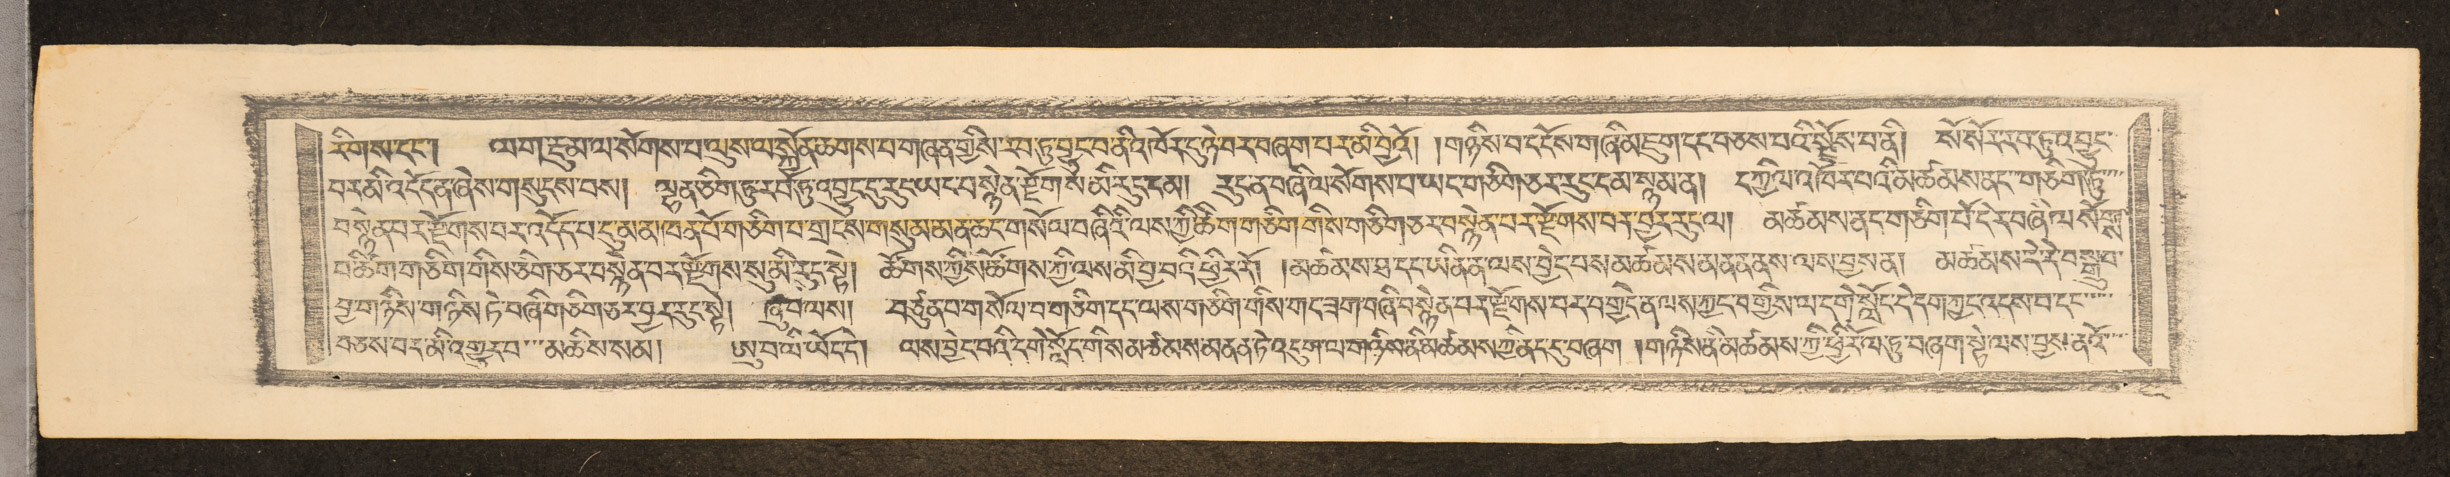རིགས་དང་། ལག་རྡུམ་ལ་སོགས་པ་ལུས་ལ་སྐྱོན་ཆགས་པ་གཞན་གྱིས་རབ་ཏུ་བྱུང་བ་ནི་འཁོར་དུ་ཉེ་བར་བཞག་པར་མི་བྱའོ། །གཉིས་པ་དངོས་གཞི་མཇུག་དང་བཅས་པའི་སྤྲོས་པ་ནི། སོ་སོར་རབ་ཏུ་འབྱུང་
པར་མི་འདོད་ན་ཞེས་གསུངས་པས། ལྷན་ཅིག་ཏུ་རབ་ཏུ་འབྱུང་དུ་རུང་ཡང་བསྙེན་རྫོགས་མི་རུང་ངམ། རུང་ན་བཞི་ལ་སོགས་པ་ཡང་གཅིག་ཅར་རུང་ངམ་སྙམ་ན། དཀྱིལ་འཁོར་པའི་མཚམས་ནང་གཅིག་ཏུ་
བསྙེན་པར་རྫོགས་པར་འདོད་པ་དུ་མ་མཁན་པོ་གཅིག་པ་གྲངས་གསུམ་མན་ཆད་གསོལ་བཞིའི་ལས་ཀྱི་ཚིག་གཅིག་གིས་གཅིག་ཅར་བསྙེན་པར་རྫོགས་པར་བྱར་རུང་ལ། མཚམས་ནང་གཅིག་པོ་དེར་བཞི་ལ་སོགས་
པ་ཚིག་གཅིག་གིས་ཅིག་ཅར་བསྙེན་པར་རྫོགས་སུ་མི་རུང་སྟེ། ཚོགས་ཀྱིས་ཚོགས་ཀྱི་ལས་མི་བྱ་བའི་ཕྱིར་རོ། །མཚམས་ཐ་དད་ཡིན་ན་ལས་བྱེད་པས་མཚམས་མནན་ནས་ལས་བྱས་ན། མཚམས་རེ་རེ་བསྒྲུབ་
བྱ་གཉིས་གཉིས་ཏེ་བཞི་གཅིག་ཅར་བྱར་རུང་སྟེ། ཞུ་བ་ལས། བཙུན་པ་གསོལ་བ་གཅིག་དང་ལས་གཅིག་གིས་གང་ཟག་བཞི་བསྙེན་པར་རྫོགས་པར་བགྱིད་ན་ལས་ཀྱང་བགྱིས་ལ་དགེ་སློང་དེ་དག་ཀྱང་འདས་པ་དང་
བཅས་པར་མི་འགྱུར་བ་མཆིས་སམ། ཨུ་བ་ལི་ཡོད་དེ། ལས་བྱེད་པའི་དགེ་སློང་གིས་མཚམས་མནན་ཏེ་འདུག་ལ་གཉིས་ནི་མཚམས་ཀྱི་ནང་དུ་བཞག །གཉིས་ནི་མཚམས་ཀྱི་ཕྱི་རོལ་ཏུ་བཞག་སྟེ་ལས་བྱས་ནའོ་